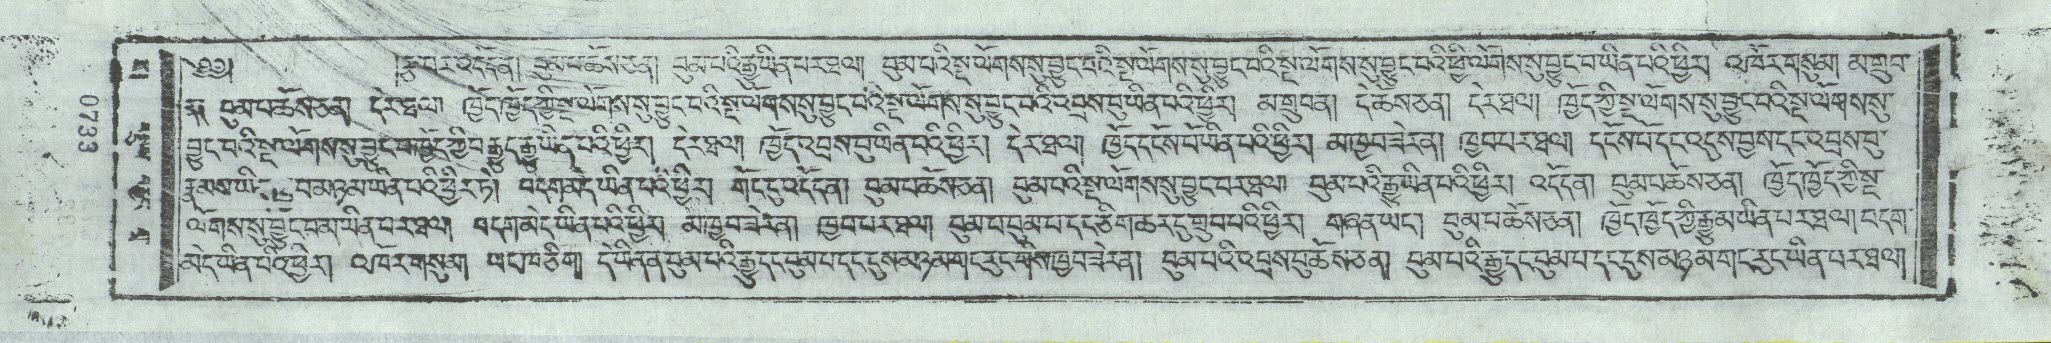༄༅། །རྩ་བར་འདོད་ན། བུམ་པ་ཆོས་ཅན། བུམ་པའི་རྒྱུ་ཡིན་པར་ཐལ། བུམ་པའི་སྔ་ལོགས་སུ་བྱུང་བའི་སྔ་ལོགས་སུ་བྱུང་བའི་སྔ་ལོགས་སུ་བྱུང་བའི་ཕྱི་ལོགས་སུ་བྱུང་བ་ཡིན་པའི་ཕྱིར། འཁོར་གསུམ། མ་གྲུབ་
ན༑ བུམ་པ་ཆོས་ཅན། དེར་ཐལ། ཁྱོད་ཁྱོད་ཀྱི་སྔ་ལོགས་སུ་བྱུང་བའི་སྔ་ལོགས་སུ་བྱུང་བའི་སྔ་ལོགས་སུ་བྱུང་བའི་འབྲས་བུ་ཡིན་པའི་ཕྱིར། མ་གྲུབ་ན། དེ་ཆོས་ཅན། དེར་ཐལ། ཁྱོད་ཀྱི་སྔ་ལོགས་སུ་བྱུང་བའི་སྔ་ལོགས་སུ་
བྱུང་བའི་སྔ་ལོགས་སུ་བྱུང་བ་ཁྱོད་ཀྱི་བརྒྱུད་རྒྱུ་ཡིན་པའི་ཕྱིར། དེར་ཐལ། ཁྱོད་འབྲས་བུ་ཡིན་པའི་ཕྱིར། དེར་ཐལ། ཁྱོད་དངོས་པོ་ཡིན་པའི་ཕྱིར། མ་ཁྱབ་ཟེར་ན། ཁྱབ་པར་ཐལ། དངོས་པོ་དང་འདུས་བྱས་དང་འབྲས་བུ་
རྣམས་ཡིན་ཁྱབ་མཉམ་ཡིན་པའི་ཕྱིར་ཏེ། བདག་མེད་ཡིན་པའི་ཕྱིར། གོང་དུ་འདོད་ན། བུམ་པ་ཆོས་ཅན། བུམ་པའི་སྔ་ལོགས་སུ་བྱུང་བར་ཐལ། བུམ་པའི་རྒྱུ་ཡིན་པའི་ཕྱིར། འདོད་ན། བུམ་པ་ཆོས་ཅན། ཁྱོད་ཁྱོད་ཀྱི་སྔ་
ལོགས་སུ་བྱུང་བ་མ་ཡིན་པར་ཐལ། བདག་མེད་ཡིན་པའི་ཕྱིར། མ་ཁྱབ་ཟེར་ན། ཁྱབ་པར་ཐལ། བུམ་པ་བུམ་པ་དང་ཅིག་ཆར་དུ་གྲུབ་པའི་ཕྱིར། གཞན་ཡང་། བུམ་པ་ཆོས་ཅན། ཁྱོད་ཁྱོད་ཀྱི་རྒྱུ་མ་ཡིན་པར་ཐལ། བདག་
མེད་ཡིན་པའི་ཕྱིར། འཁོར་གསུམ། ཡང་ཁ་ཅིག། དེ་ཡིན་ན་བུམ་པའི་རྒྱུ་དང་བུམ་པ་དང་དུས་མཉམ་གང་རུང་གིས་ཁྱབ་ཟེར་ན། བུམ་པའི་འབྲས་བུ་ཆོས་ཅན། བུམ་པའི་རྒྱུ་དང་བུམ་པ་དང་དུས་མཉམ་གང་རུང་ཡིན་པར་ཐལ།